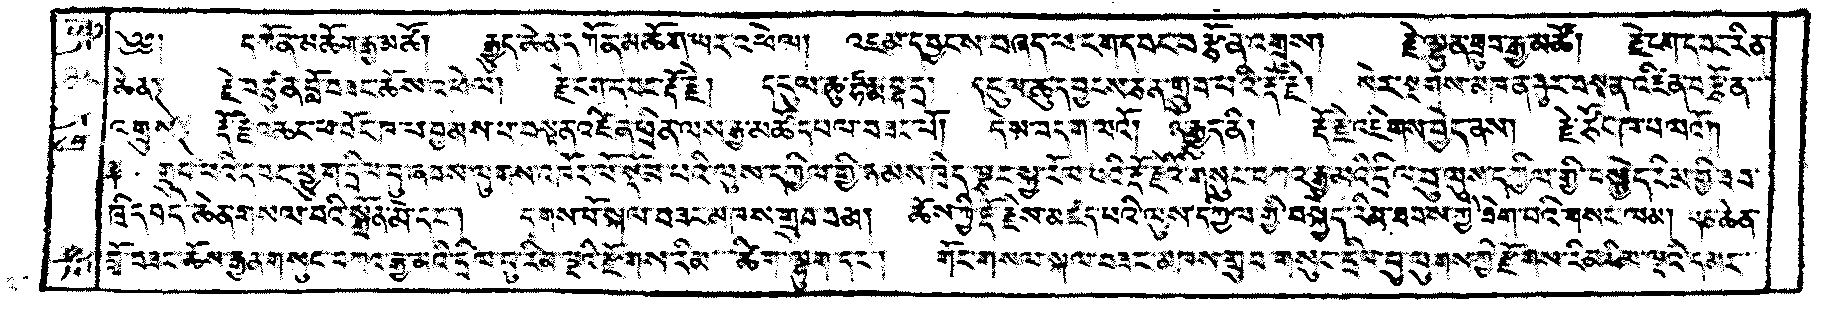༄༅། །དཀོན་མཆོག་རྒྱ་མཚོ། རྒྱུད་ཆེན་དཀོན་མཆོག་ཡར་འཕེལ། འཇམ་དབྱངས་བཞད་པ་ངག་དབང་བརྩོན་འགྲུས། རྗེ་ལྷུན་གྲུབ་རྒྱ་མཚོ། རྗེ་ངག་དབང་རིན་
ཆེན༑ རྗེ་བཙུན་བློ་བཟང་ཆོས་འཕེལ། རྗེ་ངག་དབང་རྡོ་རྗེ། དངུལ་ཆུ་དྷརྨ་བྷ་དྲ། དངུལ་ཆུ་དབྱངས་ཅན་གྲུབ་པའི་རྡོ་རྗེ། སེར་སྔགས་མཁན་ཟུར་བསྟན་འཛིན་བརྩོན་
འགྲུས༑ རྡོ་རྗེ་འཆང་ཕ་བོང་ཁ་པ་བྱམས་པ་བསྟན་འཛིན་ཕྲིན་ལས་རྒྱ་མཚོ་དཔལ་བཟང་པོ། དེས་བདག་ལའོ། ཉེ་རྒྱུད་ནི། རྡོ་རྗེ་འཇིགས་བྱེད་ནས། རྗེ་ཙོང་ཁ་པ་ལའོ།།
༈ གྲུབ་པའི་དབང་ཕྱུག་དྲིལ་བུ་ཞབས་ལུགས་འཁོར་ལོ་སྡོམ་པའི་ལུས་དཀྱིལ་གྱི་ཉམས་ཁྲིད་ལྕང་སྐྱ་རོལ་པའི་རྡོ་རྗེའི་གསུང་བཀའ་རྒྱ་མའི་དྲིལ་བུ་ལུས་དཀྱིལ་གྱི་བསྐྱེད་རིམ་གྱི་ཟབ་
ཁྲིད་བདེ་ཆེན་གསལ་བའི་སྒྲོན་མེ་དང་། དྭགས་པོ་སྐལ་བཟང་མཁས་གྲུབ་བམ། ཆོས་ཀྱི་རྡོ་རྗེས་མཛད་པའི་ལུས་དཀྱིལ་གྱི་བསྐྱེད་རིམ་ཐབས་ཀྱི་ཐེག་པའི་གསང་ལམ། པཎ་ཆེན་
བློ་བཟང་ཆོས་རྒྱན་གསུང་བཀའ་རྒྱ་མའི་དྲིལ་བུ་རིམ་ལྔའི་རྫོགས་རིམ་ཚིག་ལྷུག་དང་། གོང་གསལ་སྐལ་བཟང་མཁས་གྲུབ་གསུང་དྲིལ་བུ་ལུགས་ཀྱི་རྫོགས་རིམ་རིམ་ལྔའི་དམར་